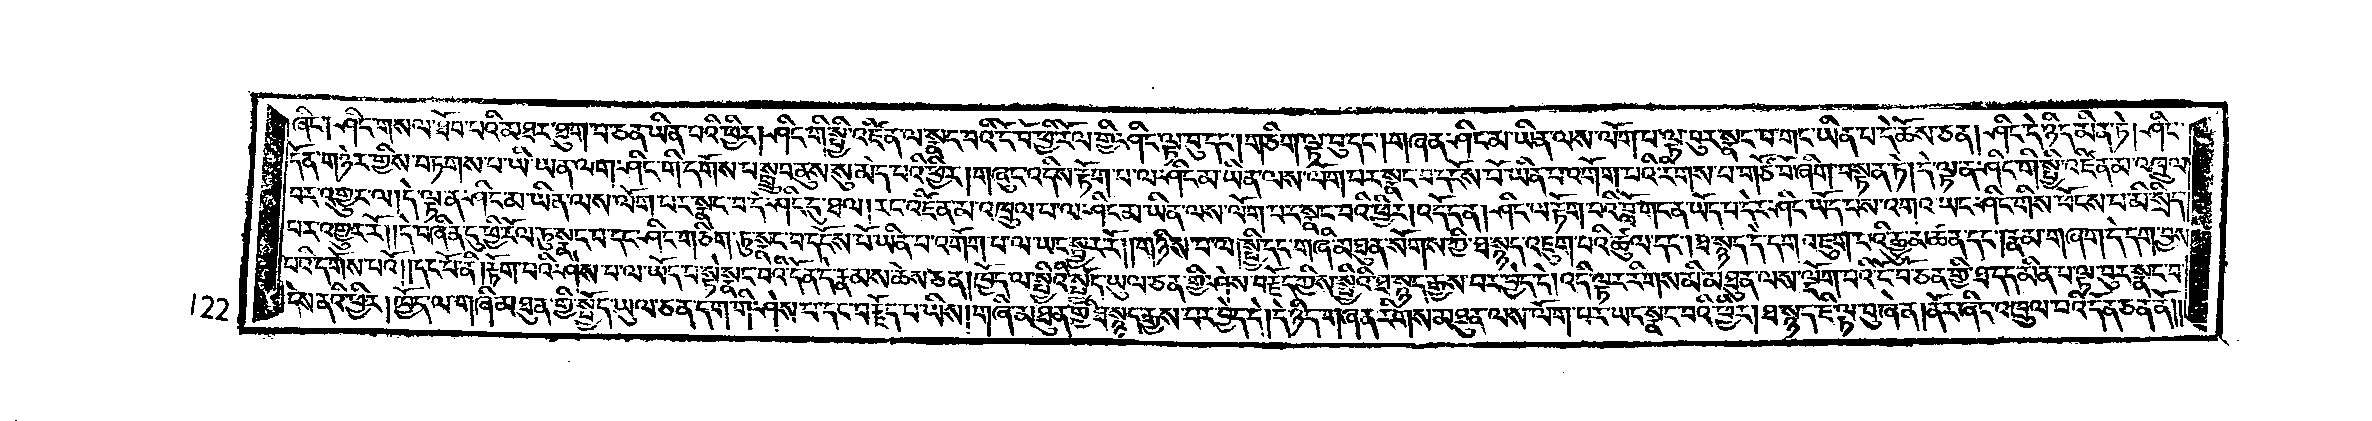ཞིང༑ ཤིང་གསལ་ཐོབ་པའི་མཐར་ཐུག་པ་ཅན་ཡིན་པའི་ཕྱིར། ཤིང་གི་སྤྱི་འཛིན་ལ་སྣང་བའི་ངོ་བོ་ཕྱི་རོལ་གྱི་ཤིང་ལྟ་བུ་དང་། གཅིག་ལྟ་བུ་དང་། གཞན་ཤིང་མ་ཡིན་ལས་ལོག་པ་ལྟ་བུར་སྣང་བ་གང་ཡིན་པ་དེ་ཆོས་ཅན། ཤིང་དེ་ཉིད་མིན་ཏེ། ཤིང་
དོན་གཉེར་གྱིས་བཏགས་པ་ཡི་ཡན་ལག་ཤིང་གི་དགོས་པ་སྒྲུབ་ནུས་སུ་མེད་པའི་ཕྱིར། གཞུང་འདིས་རྟོག་པ་ལ་ཤིང་མ་ཡིན་ལས་ལོག་པར་སྣང་བ་དངོས་པོ་ཡིན་པ་འགོག་པའི་རིགས་པ་གཙོ་བོ་ཞིག་བསྟན་ཏེ། དེ་ལྟ་ན་ཤིང་གི་སྤྱི་འཛིན་མ་འཁྲུལ་
བར་འགྱུར་ལ། དེ་ལྟ་ན་ཤིང་མ་ཡིན་ལས་ལོག་པར་སྣང་བ་དེ་ཤིང་དུ་ཐལ། རང་འཛིན་མ་འཁྲུལ་པ་ལ་ཤིང་མ་ཡིན་ལས་ལོག་པར་སྣང་བའི་ཕྱིར། འདོད་ན། ཤིང་ལ་རྟོག་པའི་བློ་གང་ན་ཡོད་པ་དེར་ཤིང་ཡོད་པས་འགའ་ཡང་ཤིང་གིས་ཕོངས་པ་མི་སྲིད་
པར་འགྱུར་རོ། །དེ་བཞིན་དུ་ཕྱི་རོལ་ཏུ་སྣང་བ་དང་ཤིང་གཅིག་ཏུ་སྣང་བ་དངོས་པོ་ཡིན་པ་འགོག་པ་ལ་ཡང་སྦྱར་རོ། །གཉིས་པ་ལ། སྤྱི་དང་གཞི་མཐུན་སོགས་ཀྱི་ཐ་སྙད་འཇུག་པའི་ཚུལ་དང་། ཐ་སྙད་དེ་དག་འཇུག་པའི་རྒྱུ་མཚན་དང་། རྣམ་གཞག་དེ་དག་བྱས་
པའི་དགོས་པའོ། །དང་པོ་ནི། རྟོག་པའི་ཤེས་པ་ལ་ཡོད་པ་སྟེ་སྣང་བའི་དོན་དེ་རྣམས་ཆོས་ཅན། ཁྱོད་ལ་སྤྱིའི་སྤྱོད་ཡུལ་ཅན་གྱི་ཤེས་བརྗོད་ཀྱིས་སྤྱིའི་ཐ་སྙད་རྒྱས་པར་བྱེད་དེ། འདི་ལྟར་རིགས་མི་མཐུན་ལས་ལྡོག་པའི་ངོ་བོ་ཅན་གྱི་ཐ་དད་མིན་པ་ལྟ་བུར་སྣང་བ་
དེས་ནའི་ཕྱིར། ཁྱོད་ལ་གཞི་མཐུན་གྱི་སྤྱོད་ཡུལ་ཅན་དག་གི་ཤེས་པ་དང་བརྗོད་པ་ཡིས། གཞི་མཐུན་གྱི་ཐ་སྙད་རྒྱས་པར་བྱེད་དེ། དེ་ཉིད་གཞན་རིགས་མཐུན་ལས་ལོག་པར་ཡང་སྣང་བའི་ཕྱིར། ཐ་སྙད་ཇི་ལྟ་བུ་ཞེ་ན། ནོར་ཞིང་འཁྲུལ་བའི་དོན་ཅན་ནོ། །